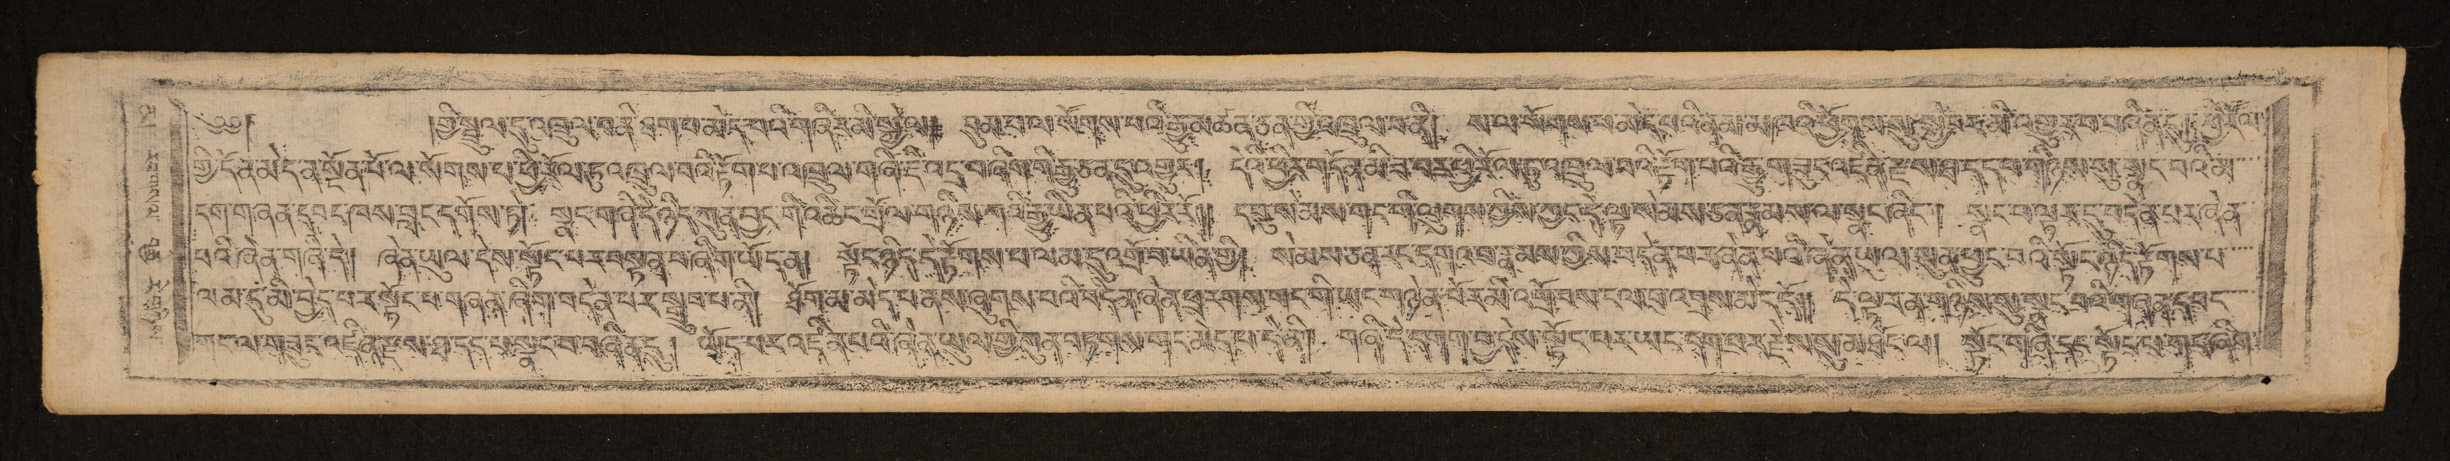༄༅། །གྱི་སྦྲུལ་དུ་འཁྲུལ་བ་ནི་ཐག་པ་མེད་པའི་གཞིར་མི་སྐྱེ་ལ། བུམ་པ་ལ་སོགས་པའི་རྒྱུ་མཚན་ཅན་གྱི་འཁྲུལ་བ་ནི། ས་ལ་སོགས་པ་མེད་པའི་ནམ་ཁའི་ཕྱོགས་སུ་སྐྱེ་བར་མི་འགྱུར་བ་བཞིན་དུ། ཕྱི་རོལ་
གྱི་དོན་མེད་ན་སྔོན་པོ་ལ་སོགས་པ་ཕྱི་རོལ་ཏུ་འཁྲུལ་བའི་རྟོག་པ་འཁྲུལ་གཞི་ཇི་འདྲ་བ་ཞིག་གི་རྒྱུ་ཅན་དུ་འགྱུར། དེའི་ཕྱིར་གདོན་མི་ཟ་བར་ཕྱི་རོལ་ཏུ་འཁྲུལ་བའི་རྟོག་པའི་རྒྱུ་གཟུང་འཛིན་རྫས་ཐ་དད་པ་གཉིས་སུ་སྣང་བའི་མ་
དག་གཞན་དབང་ཁས་བླང་དགོས་ཏེ། སྣང་གཞི་དེ་ཉིད་ཀུན་བྱང་གི་འཆིང་གྲོལ་གཉིས་ཀའི་རྒྱུ་ཡིན་པའི་ཕྱིར་རོ།། དབུ་སེམས་གང་གི་ལུགས་ཀྱིས་ཀྱང་དེ་ལྟ་སེམས་ཅན་རྣམས་ལ་སྣང་ཞིང་། སྣང་བ་ལྟར་དུ་བདེན་པར་ཞེན་
པའི་ཞེན་གཞི་དེ། ཞེན་ཡུལ་དེས་སྟོང་པར་བསྟན་པ་ཞིག་ཡོད་ན། སྟོང་ཉིད་དེ་རྟོགས་པ་ལམ་དུ་འགྲོ་བ་ཡིན་གྱི། སེམས་ཅན་རང་དགའ་བ་རྣམས་ཀྱིས་བདེན་པར་ཞེན་པའི་ཞེན་ཡུལ་སུན་ཕྱུང་བའི་སྟོང་ཉིད་རྟོགས་པ་
ལམ་དུ་མི་བྱེད་པར་སྟོང་པ་གཞན་ཞིག་བདེན་པར་སྒྲུབ་པ་ནི། ཐོག་མ་མེད་པ་ནས་ཞུགས་པའི་བདེན་ཞེན་ཕྲ་རགས་གང་གི་ཡང་གཉེན་པོར་མི་འགྲོ་བས་ངལ་བ་འབྲས་མེད་དོ།། དེ་ལྟར་ན་གཉིས་སུ་སྣང་བའི་གཞན་དབང་
གང་ལ་གཟུང་འཛིན་རྫས་ཐ་དད་པ་སྣང་བ་བཞིན་དུ། ཡོད་པར་འཛིན་པའི་ཞེན་ཡུལ་གྱི་ཀུན་བརྟགས་གང་མེད་པ་དེ་ནི། གཞི་དེ་དགག་བྱ་དེས་སྟོང་པར་ཡང་དག་པར་རྗེས་སུ་མཐོང་ལ། སྟོང་གཞི་དང་སྟོང་པ་གང་ཞིག་